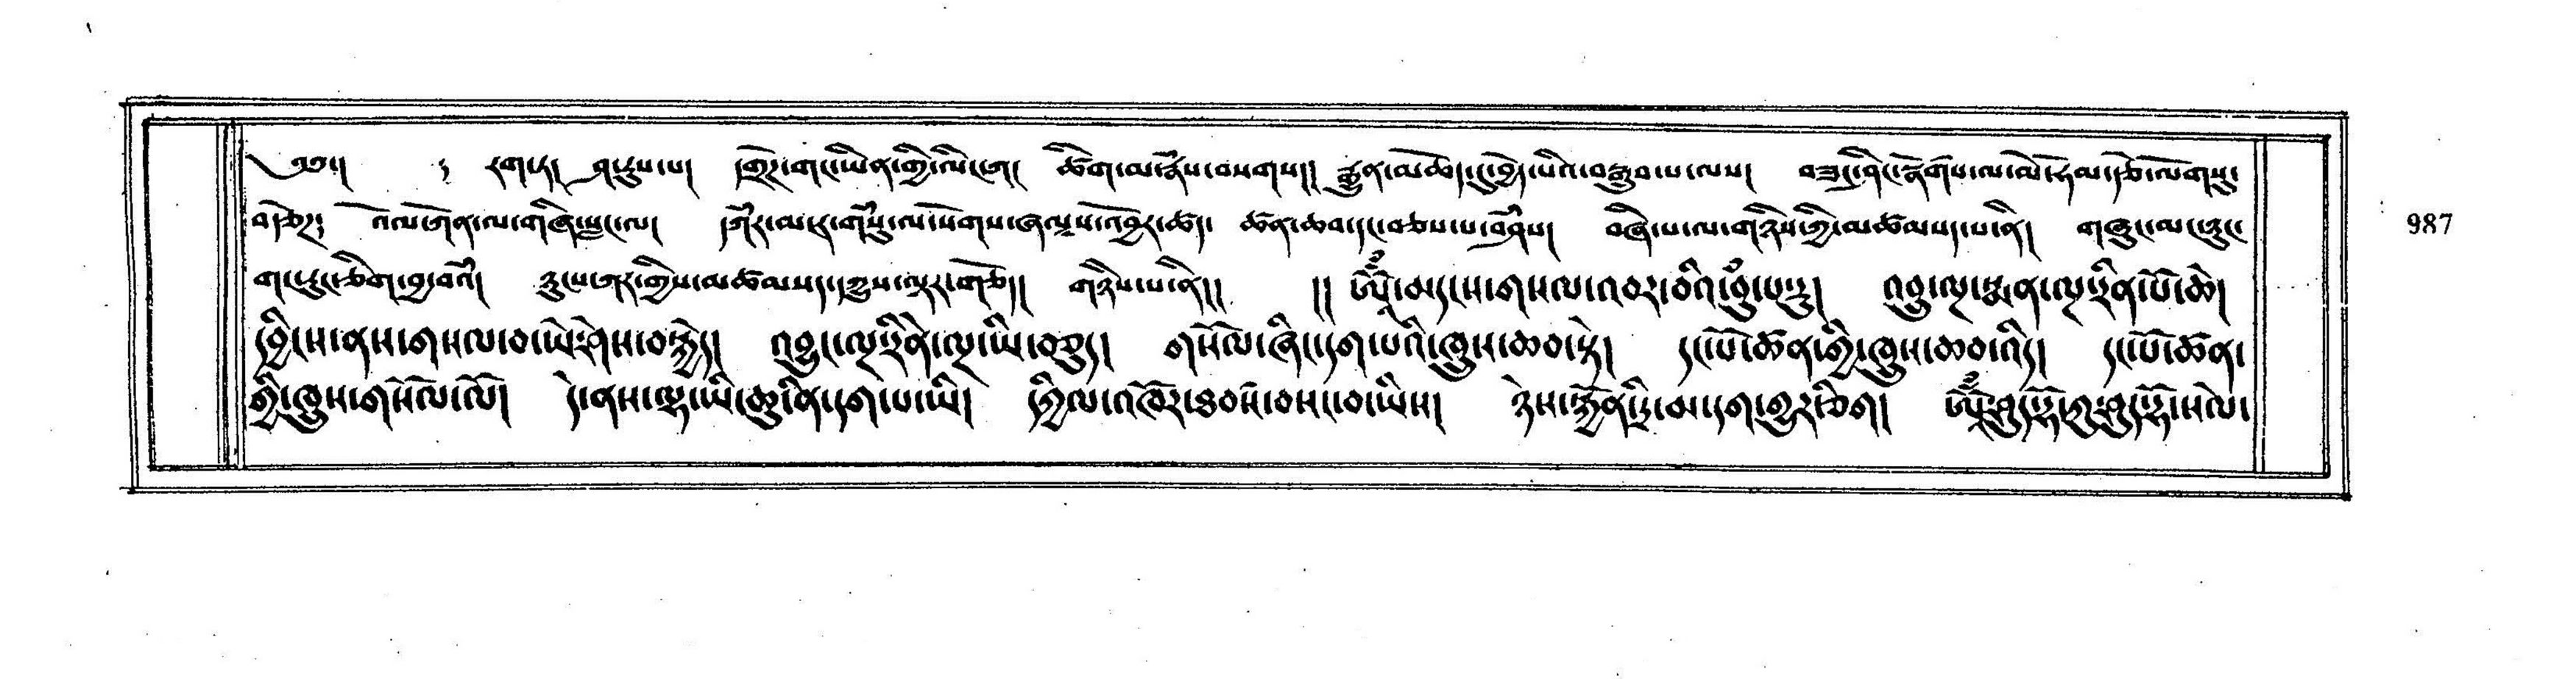རག་ཏ། ཤ་རུས་པ། དགྲ་བགེགས་གང་ཡིན་གྱི་ལིང་ཀ། ཚིག་མ་རྣམས་བསགས།། རྒྱུན་མཆོད་དུ་བྱེད་པའི་བསྒྲུབ་པ་ལས། བཟང་ཤིང་སྣ་ཚོགས་ལ་མེ་ཧོམ་རྩེ་ལོགས་སུ་
བརྩེགས། འོལ་ཀོན་ལ་གཞི་སླང་ལ། དཀར་གསུམ་མངར་གསུམ་ལ་སོགས་ཞལ་ཟས་འབྱོར་ཚད་ཚན་ཆབ་དང་བཅས་པ་བཤམས། བཞི་པ་ལ་གཉིས་ཀྱི་མཚམས་བཅད་པ་ནི། གཞུང་མང་ཉུང་
གང་རུང་ཅིག་བྱ་བའམ། ཉུངས་ཀར་གྱིས་མཚམས་བཅད་དཀྱུས་ལྟར་གཅོད། གཉིས་པ་ནི།། །།ཨཱོཾ་མདངས་གསལ་འབར་བའི་བུམ་པ་རུ། འབྲུ་ལྔ་སྨན་ལྔ་རིན་པོ་ཆེ། 
དབྱིངས་ནས་གསལ་བ་ཡེ་ཤེས་བསྐྱེད། འབྱུང་ལྔ་རིན་ཆེན་ལྔ་ཡི་བཅུད། གསོལ་ཞིང་དག་པའི་ཁྲུས་ཆབ་སྟེ། དང་པོ་ཚན་གྱི་ཁྲུས་ཆབ་འདི། དང་པོ་ཚན་
གྱི་ཁྲུས་གསོལ་ལོ། དེ་ནས་ལྷ་ཡི་ཆུ་ནི་དག་པ་ཡི། དཀྱིལ་འཁོར་ཐབས་ཤེས་བསང་བ་ཡིས། ཉེས་སྐྱོན་དྲི་མ་དག་གྱུར་ཅིག ཨཱོཾ་ཤུད་དྷོ་ཀུ་ཤུད་དྷོ་སལེ་